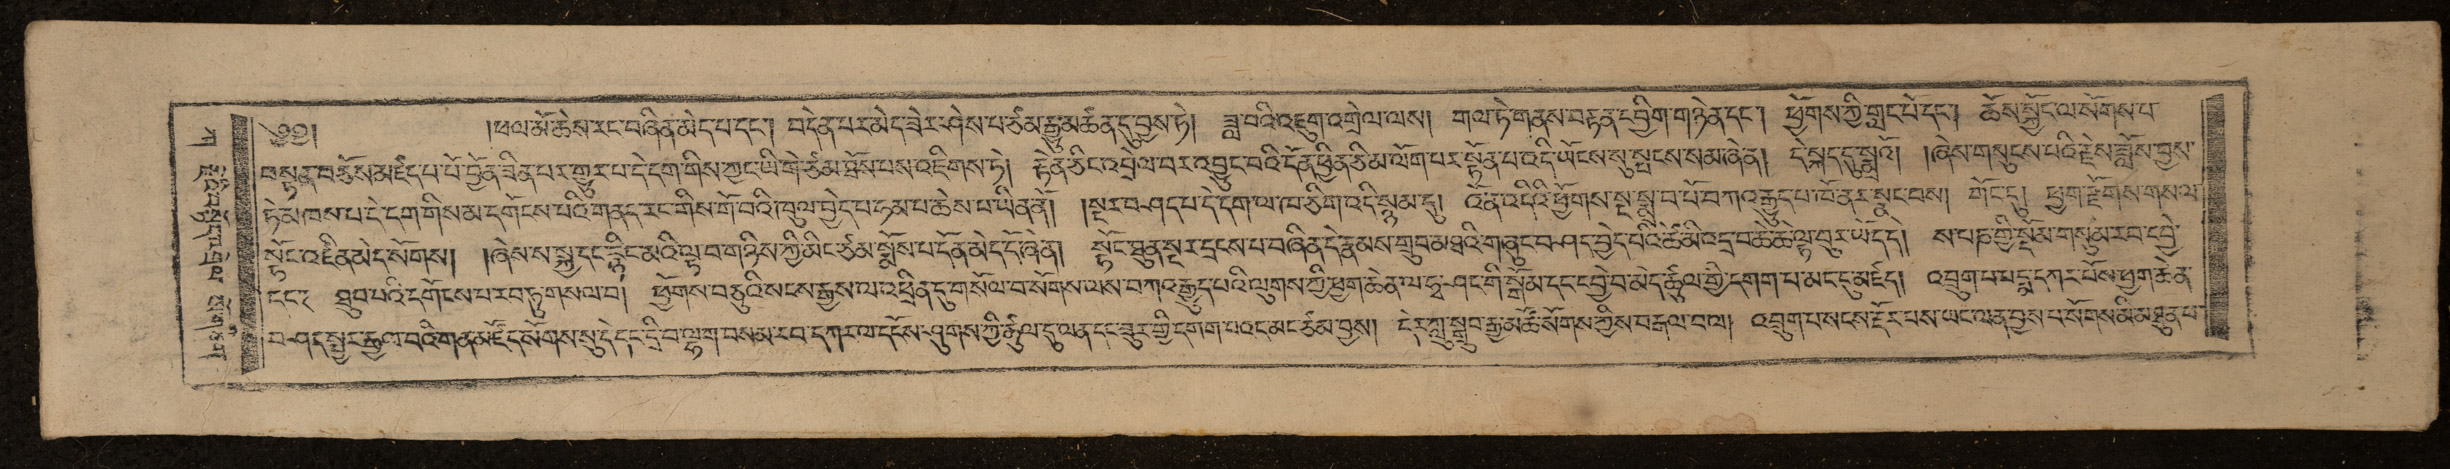༄༅། །ཕལ་མོ་ཆེས་རང་བཞིན་མེད་པ་དང་། བདེན་པར་མེད་ཟེར་ཤེས་པ་ཙམ་རྒྱུ་མཚན་དུ་བྱས་ཏེ། ཟླ་བའི་འཇུག་འགྲེལ་ལས། གལ་ཏེ་གནས་བརྟན་དབྱིག་གཉེན་དང་། ཕྱོགས་ཀྱི་གླང་པོ་དང་། ཆོས་སྐྱོང་ལ་སོགས་པ་
བསྟན་བཅོས་མཛད་པ་པོ་བྱོན་ཟིན་པར་གྱུར་པ་དེ་དག་གིས་ཀྱང་ཡི་གེ་ཙམ་ཐོས་པས་འཇིགས་ཏེ། རྟེན་ཅིང་འབྲེལ་བར་འབྱུང་བའི་དོན་ཕྱིན་ཅི་མ་ལོག་པར་སྟོན་པ་འདི་ཡོངས་སུ་སྤངས་སམ་ཞེ་ན། དེ་སྐད་དུ་སྨྲའོ། །ཞེས་གསུངས་པའི་རྗེས་ཟློས་བྱས་
ཏེ་མཁས་པ་དེ་དག་གིས་མ་དགོངས་པའི་གནད་རང་གིས་གོ་བའི་ཁུལ་བྱེད་བ་ཧམ་བ་ཆེས་པ་ཡིན་ནོ། །སྔར་བཤད་པ་དེ་དག་ལ་ཁ་ཅིག་འདི་སྙམ་དུ། འོ་ན་འདིའི་ཕྱོགས་སྔ་སྨྲ་བ་པོ་བཀའ་བརྒྱུད་བ་ཁོ་ནར་སྣང་བས། གོང་དུ། ཕྱག་རྫོགས་གསལ་
སྟོང་འཛིན་མེད་སོགས། །ཞེས་ས་སྐྱ་དང་རྙིང་མའི་ལྟ་བ་གཉིས་ཀྱི་མིང་ཙམ་སྨོས་པ་དོན་མེད་དོ་ཞེ་ན། སྟོང་ཐུན་སྔར་དྲངས་པ་བཞིན་དེ་རྣམས་གྲུབ་མཐའི་གཞུང་བཤད་བྱེད་པའི་ཚེ་མི་འདྲ་བ་ཆེ་ཆེ་ལྟ་བུར་ཡོད་དེ། ས་པཎ་གྱི་སྡོམ་གསུམ་རབ་དབྱེ་
དང༑ ཐུབ་པའི་དགོངས་པ་རབ་ཏུ་གསལ་བ། ཕྱོགས་བཅུའི་སངས་རྒྱས་ལ་འཕྲིན་དུ་གསོལ་བ་སོགས་ལས་བཀའ་བརྒྱུད་པའི་ལུགས་ཀྱི་ཕྱག་ཆེན་ལ་ཧྭ་ཤང་གི་སྒོམ་དང་དབྱེ་བ་མེད་ཚུལ་གྱི་དགག་པ་མང་དུ་མཛད། འབྲུག་པ་པདམ་དཀར་པོས་ཕྱག་ཆེན་
བཤད་སྦྱར་རྒྱལ་བའི་གན་མཛོད་སོགས་སུ་དེ་དང་དྲི་བ་ལྷག་བསམ་རབ་དཀར་ལ་དངོས་ཤུགས་ཀྱི་ཚུལ་དུ་ལན་དང་ཟུར་གྱི་དགག་པའང་མང་ཙམ་བྱས། དེར་ཀླུ་སྒྲུབ་རྒྱ་མཚོ་སོགས་ཀྱིས་བརྒལ་བ་ལ། འཕྲུག་པ་སངས་རྡོར་པས་ཡང་ལན་བྱས་པ་སོགས་མི་མཐུན་པ་